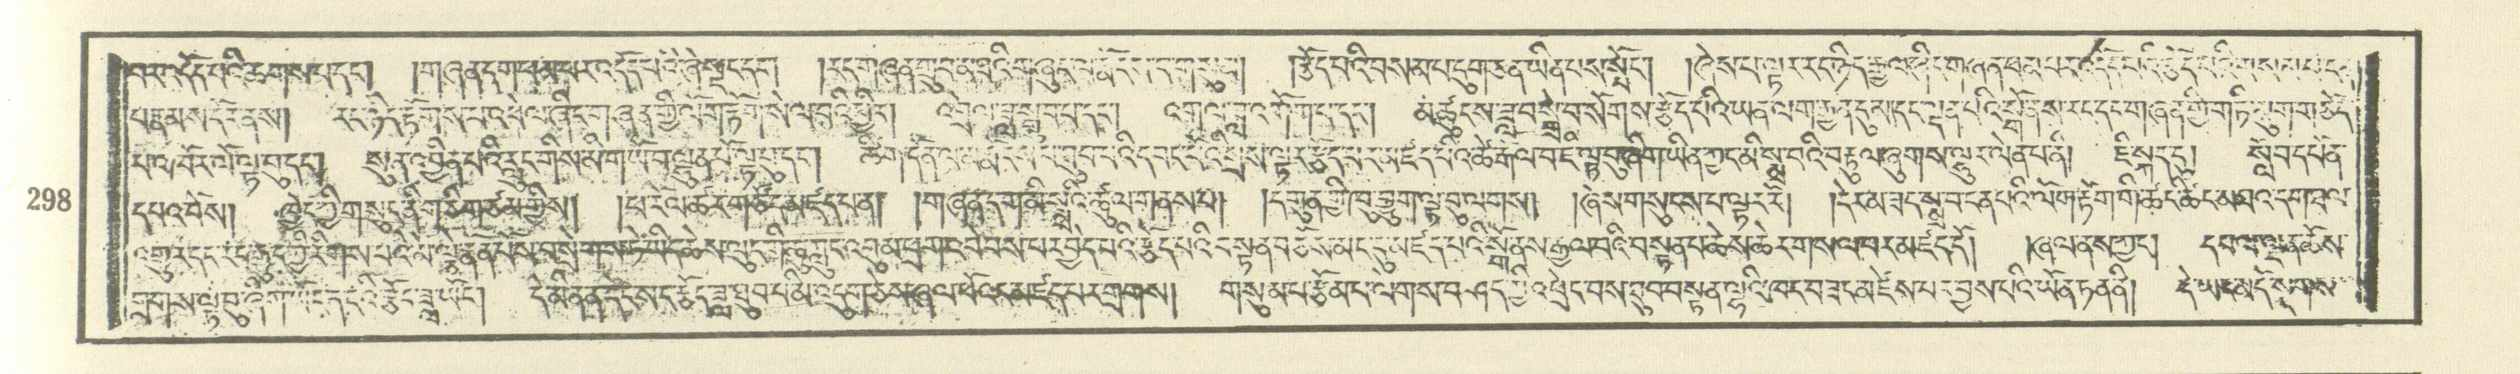པར་འདོད་པའི་ཆགས་པ་དང་། །གཞན་དག་ཕམ་པར་འདོད་པའི་ཞེ་སྔང་དང་། །རང་གཞན་གྲུབ་མཐའི་གཞུང་ལ་རྨོངས་པ་གསུམ། །རྩོད་པའི་བསམ་པ་དུག་ཅན་ཡིན་པས་སྤོང་། །ཞེས་པ་ལྟར་རང་ཉིད་རྒྱལ་ཞིང་གཞན་ཕམ་པར་འདོད་པའི་རྩོད་པའི་བསམ་པ་ངན་
པ་རྣམས་དོར་ནས། རང་ཉིད་རྟོགས་པ་འཕེལ་ཞིང་གཞན་གྱི་ལོག་རྟོག་སེལ་བའི་ཕྱིར། འབྲེལ་ཟླ་སྒྲུབ་པ་དང་། འགལ་ཟླ་འགོག་པ་དང་། མཚུང་ཟླ་བ་སྒྲེ་བ་སོགས་རྩོད་པའི་ཡན་ལག་རྒྱན་དུ་མ་དང་ལྡན་པའི་སྒོ་ནས་རང་དང་གཞན་གྱི་གཏི་མུག་གཅོད་
པ་འཁོར་ལོ་ལྟ་བུ་དང་། སུན་འབྱིན་པའི་རླུང་གིས་མི་གཡོ་བ་ལྷུན་པོ་ལྟ་བུ་དང་། ཚིག་དོན་ལམ་རྨོངས་པ་ཐུབ་པའི་དབང་པོའི་སྲས་ལྟར་རྩོད་པར་མཛད་པའི་ཚོ་རྒོལ་པ་ཇི་ལྟ་བུ་ཞིག་ཡིན་ཀྱང་མི་སྨྲ་བའི་བརྟུལ་ཞུགས་ལྷུར་ལེན་པ་ནི། ཇི་སྐད་དུ། སློབ་དཔོན་
དཔའ་བོས། ཁྱོད་ཀྱི་གསུང་ནི་གཅིག་ཙམ་གྱིས། །ཕ་རོལ་ཚར་གཙོད་མཛད་པ་ན། །གཞན་དག་མི་སྨྲའི་ཚུལ་གནས་པ། །དགུན་གྱི་ཁུ་བྱུག་ལྟ་བུ་ལགས། །ཞེས་གསུངས་པ་ལྟར་རོ། །དེར་མ་ཟད་སྨྲ་བདན་པའི་ལོག་རྟོག་གི་ཚང་ཚིང་མཐའ་དག་ཐལ་
འགྱུར་དང་རང་རྒྱུད་ཀྱི་རིགས་པའི་མེ་ལྕེ་རྣོན་པོས་བསྲེགས་ཏེ་ཡིད་ཆེས་ལུང་གི་ཆུ་ཀླུང་འབུམ་ཕྲག་འབེབས་པར་བྱེད་པའི་རྩོད་པའི་བསྟན་བཅོས་མང་དུ་མཛད་པའི་སྒོ་ནས་རྒྱལ་བའི་བསྟན་པ་ཆེས་ཆེར་གསལ་བར་མཛད་དོ། །ཞལ་ནས་ཀྱང་། དཔལ་ལྡན་ཆོས་
གྲགས་ལྟ་བུ་ཞིག་ཡོང་ན་ངའི་རྩོད་ཟླ་ཡོང་། དེ་མིན་ན་དེང་སང་རྩོད་ཟླ་ཐུབ་པ་མི་འདུག་ཅེས་ཞལ་ཕོའང?་མཛད་པར་གྲགས། གསུམ་པ་རྩོམ་པ་ལེགས་བཤད་ཀྱི་འཕྲེང་པས་ཐུབ་བསྟན་ལྷའི་ཁང་བཟང་མཛེས་པར་བྱས་པའི་ཡོན་ཏན་ནི། དེ་ཡང་མདོ་སྔགས་